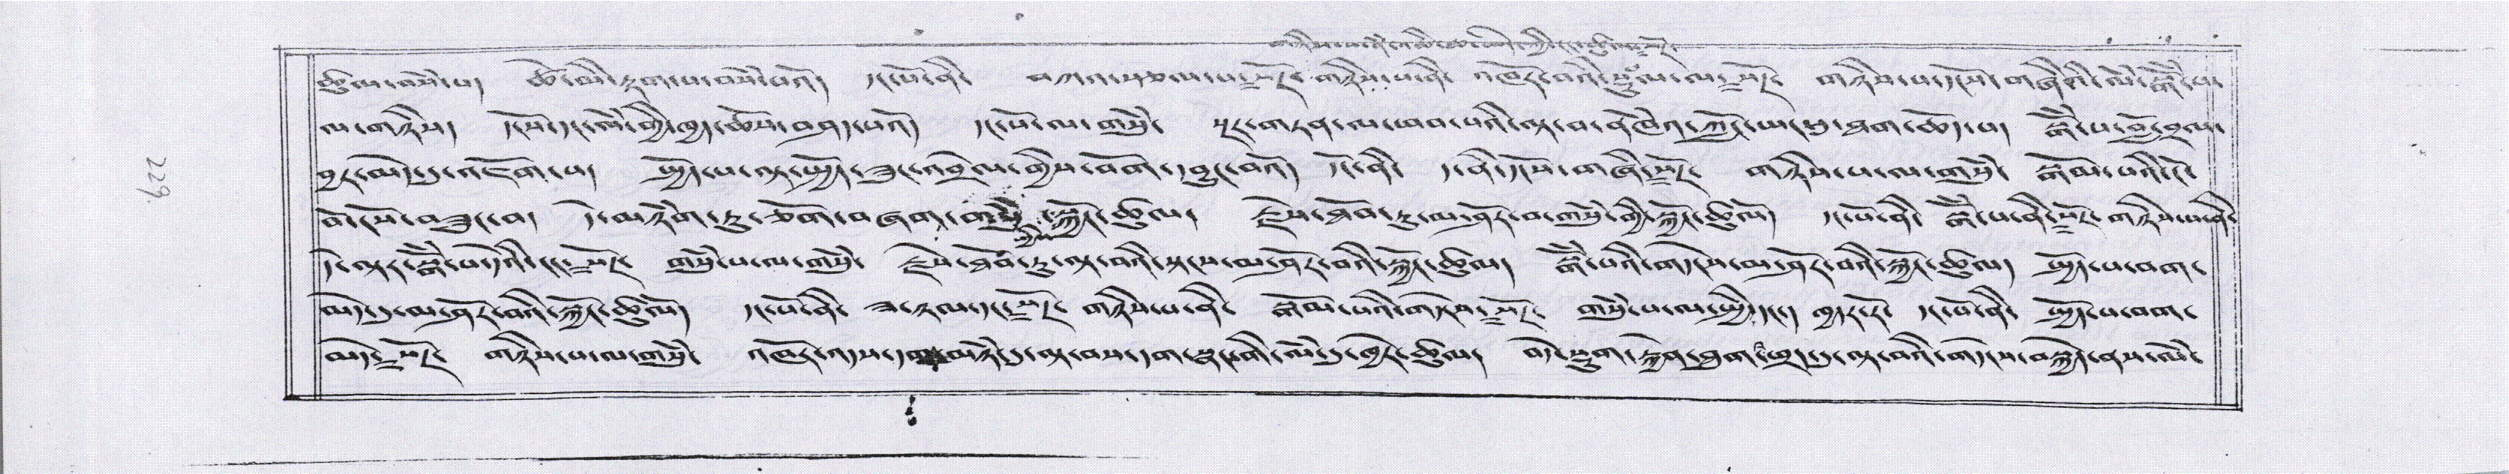ཚུལ་བསམ་པ། ཚེ་མི་རྟག་པ་བསམ་པའོ། དང་པོ་ནི། བཀའ་སྩལ་པ་སོགས། གཉིས་པ་ནི། འཁོར་བའི་སྡུག་བསྔལ་ལ་སོགས། གཉིས་པ་དངོས་གཞིའི་ལམ་སྒོམ་པ་
ལ་གཉིས། དངོས་དང་ལམ་གྱི་ཁྱད་ཆོས་བཤད་པའོ། དང་པོ་ལ་གསུམ། སྔར་གཏན་ལ་ཕབ་པའི་ལྟ་བ་ནམ་མཁའ་ཀློང་ཡངས་སུ་ཐག་ཆོད་པ། སྒོམ་པ་བློ་བྲལ་
བྱར་མེད་དུ་འཇོག་པ། སྤྱོད་པ་ལྟ་སྤྱོད་ཟུང་འབྲེལ་གྱིས་བོག་དབྱུང་བའོ། དང་པོ་ནི། ད་ནི་དངོས་གཞི་སོགས། གཉིས་པ་ལ་གསུམ། སྒོམ་པའི་ངོ་
བོ་ངོས་བཟུང་བ། དེ་མཉམ་བཞག་ཏུ་ཅོག་བཞག་གསུམ་གྱིས་སྐྱོང་ཚུལ། རྗེས་ཐོབ་ཏུ་མ་ཤོར་བ་གསུམ་གྱི་སྐྱོང་ཚུལ་ལོ། དང་པོ་ནི། སྒོམ་པ་ནི་སོགས། གཉིས་པ་ནི། 
དེ་ལྟར་སྒོམ་པ་དེའི་ངང་སོགས། གསུམ་པ་ལ་གསུམ། རྗེས་ཐོབ་ཏུ་ལྟ་བའི་སྟངས་མ་ཤོར་བའི་སྐྱོང་ཚུལ། སྒོམ་པའི་གདེངས་མ་ཤོར་བའི་སྐྱོང་ཚུལ། སྤྱོད་པ་བག 
མེད་དུ་མ་ཤོར་བའི་སྐྱོང་ཚུལ་ལོ། དང་པོ་ནི། ཟ་ཉལ་དང་སོགས། གཉིས་པ་ནི། སྒོམ་པའི་གདེངས་སོགས། གསུམ་པ་ལ་སྤྱི་དང་། ཁྱད་པར་རོ། དང་པོ་ནི། སྤྱོད་པ་བག་
མེད་སོགས། གཉིས་པ་ལ་གསུམ། འཁོར་འདས་དག་མཉམ་དུ་ལྟ་བས་དག་སྣང་གི་ལམ་དུ་ཁྱེར་ཚུལ། བདེ་སྡུག་རྐྱེན་ཐུག་འཕྲད་དུ་ལྟ་བའི་གདེངས་བསྐྱེད་ནས་ལམ་